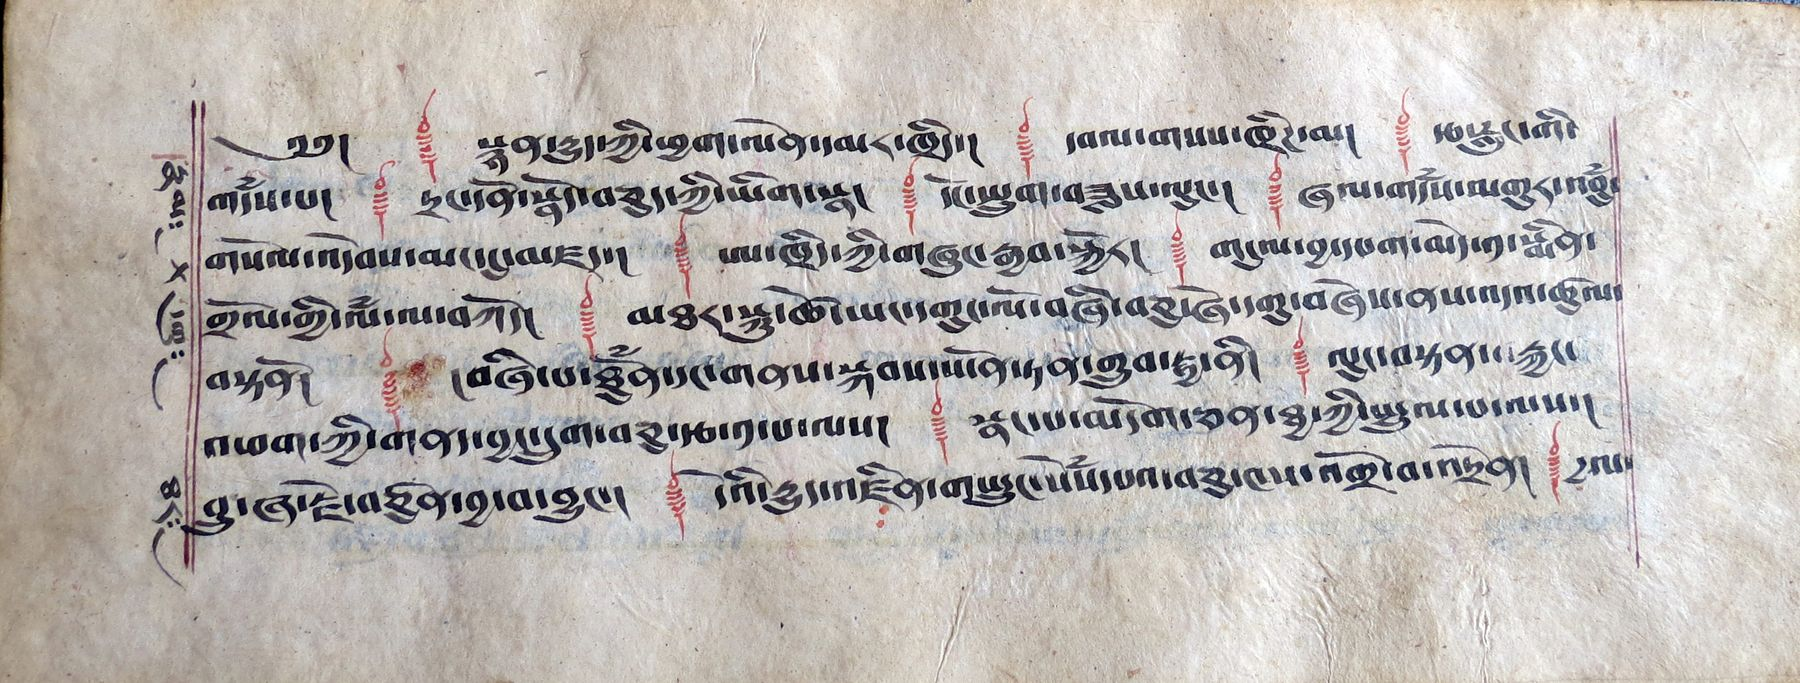སྙན་རྒྱུད་ཀྱི་ལག་ལེན་དམར་ཁྲིད། དབལ་གསས་ཁྲིག་མ། རྩ་རླུང་གི་
གདམས་པ། དྲང་དོན་སྣོད་བཅུད་ཀྱི་ཡིག་སྣ། དོང་སྤྲུགས་ཟླས་ལུང་། ཞལ་གདམས་མགུར་འབུམ། 
གསོལ་འདེབས་མང་དུ་མཛད། ཨ་ཁྲིད་ཀྱི་གཞུང་རྒྱབ་སྐྱོར། གདུལ་བྱ་དཔག་མེད་ཅིག་སྨིན་
གྲོལ་གྱི་ལམ་ལ་བཀོད། མཐར་སྐུ་ཚེ་ཡང་བཞི་བཅུ་ཞེ་དགུ་བཞེས་ནས་འདས་ཚུལ་
བསྟན་ཏོ། ། བཞི་པ་ཐུན་མོང་དང་གནས་སྐབས་ཀྱི་ཡོན་ཏན་གྲུབ་རྟགས་ནི། ལུང་བསྟན་ཀྱང་
སྦྱང་འཕགས་ཀྱི་གནད་བྱང་དྲུག་ཅུ་རྩ་གཅིག་པ་ལས། སྣང་བ་མདོག་ཅན་གྱི་སྤྲུལ་པ་ལས། 
བྲུ་ཤ་རྗེ་བཙུན་བྱ་བ་འབྱུང་། དེའི་རྒྱུད་འཛིན་གཡུང་དྲུང་སེམས་དཔའ་བཅུ་བཞིས་འགྲོ་བ་འདྲེན། རྒྱལ་